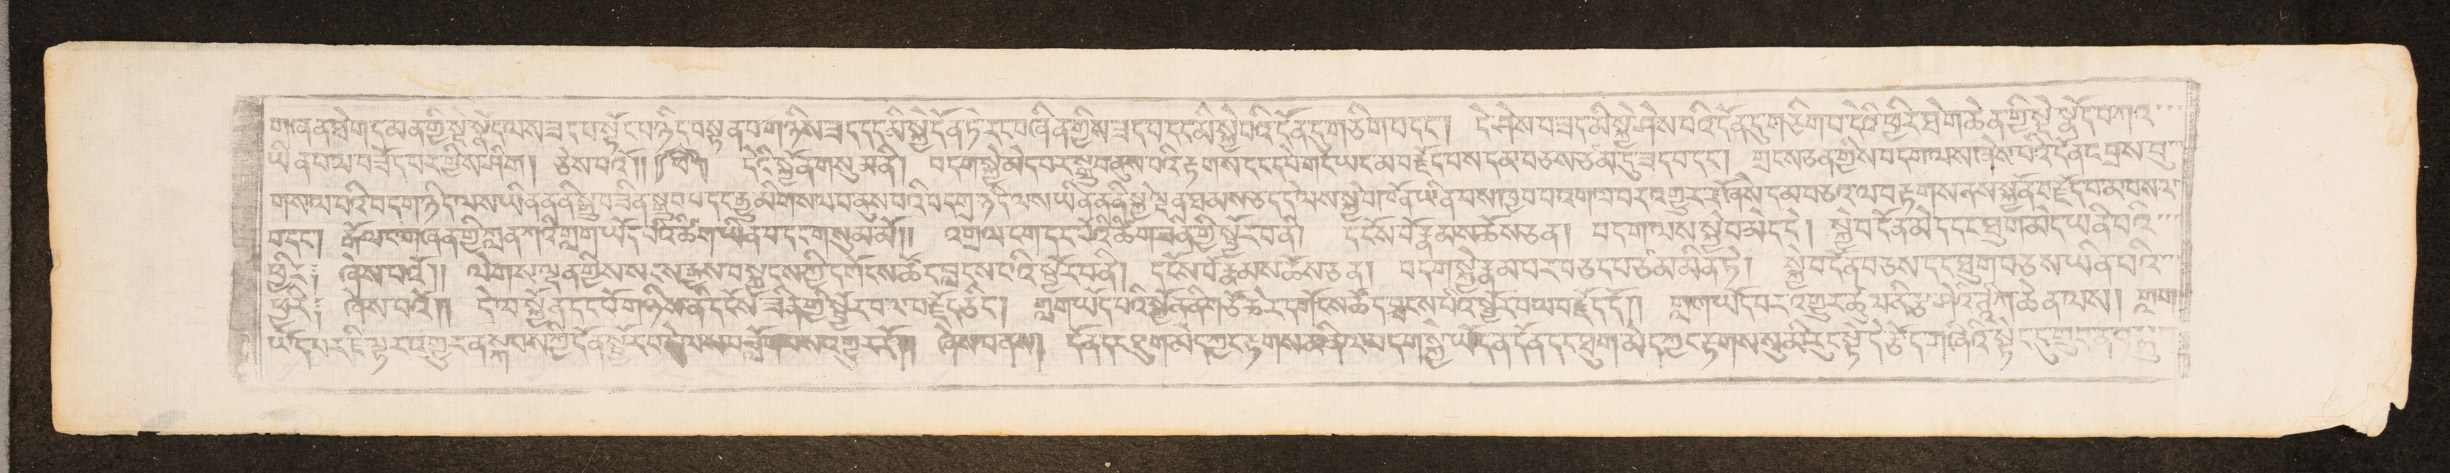གཞན་ཐེག་དམན་གྱི་སྡེ་སྣོད་ལས་ཟད་པ་སྟོང་པ་ཉིད་བསྟན་པ་གཉིས་ཟད་དད་མི་སྐྱེ་དོན་ཏེ་རང་བཞིན་གྱིས་ཟད་པ་དང་མི་སྐྱེ་བའི་དོན་དུ་གཅིག་པ་དང་། དེ་ཤེས་བ་ཟད་མི་སྐྱེ་ཤེས་པའི་དོན་དུ་གཅིག་པ་དེའི་ཕྱིར་ཐེག་ཆེན་གྱི་སྡེ་སྣོད་བཀའ་
ཡིན་པ་ལ་བཟོད་པར་གྱིས་ཤིག། ཅེས་པའོ།། ༼༽ཕ༼༽ དེའི་སྐྱོན་གསུམ་ནི། བདག་སྐྱེ་མེད་པར་སྒྲུབ་ནུས་པའི་རྟགས་དང་དཔེ་གང་ཡང་མ་བརྗོད་པས་དམ་བཅས་ཙམ་དུ་ཟད་པ་དང་། གྲངས་ཅན་གྱིས་བདག་ལས་ཞེས་པའི་དོན་འབྲས་བུ་
གསལ་བའི་བདག་ཉིད་ལས་ཡིན་ན་ནི་སྒྲུབ་ཟིན་སྒྲུབ་པ་དང་རྒྱུ་མི་གསལ་བ་ནུས་པའི་བདག་ཉིད་ལས་ཡིན་ན་ནི་སྐྱེ་ལྡན་ཐམས་ཅད་ལེས་སྐྱེ་བ་ཁོ་ན་ཡིན་པས་ཁྱབ་པ་འགལ་བར་འགྱུར་རོ་ཞེས་དམ་བཅའ་ལ་བརྟགས་ནས་སྐྱོན་བརྗོད་པ་མ་བསལ་
བ་དང་། རྒོལ་བ་གཞན་གྱི་ཀླན་ཀའི་གླག་དོ་པའི་ཚིག་ཡིན་པ་དང་གསུམ་མོ།། འགྲེལ་ངག་དང་པོའི་ཚིག་ཟིན་གྱི་སྦྱོར་བ་ནི། དངོས་པོ་རྣམས་ཆོས་ཅན། བདག་ལས་སྐྱེ་བ་མེད་དེ། སྐྱེ་བ་དོན་མེད་དང་ཐུག་མེད་ཡིན་པའི་
ཕྱིར༑ ཞེས་པའོ།། ལེགས་ལྡན་གྱིས་སངས་རྒྱས་བསྐྱངས་ཀྱི་དགོངས་ཚོར་བླངས་པའི་སྦྱོར་བ་ནི། དངོས་པོ་རྣམས་ཆོས་ཅན། བདག་སྐྱེ་རྣམ་པར་བཅད་པ་ཙམ་མིན་ཏེ། སྐྱེ་བ་དོན་བཅས་དང་ཐུག་བཅས་ཡིན་པའི་
ཕྱིར༑ ཞེས་པའོ།། དེ་ལ་སྐྱོན་དང་པོ་གཉིས་ནི་དངོས་ཟིན་གྱི་སྦྱོར་བ་ལ་བརྗོད་ཅིང་། གླག་ཡོད་པའི་སྐྱོན་ནི་གཙོ་ཆེར་དགོངས་ཆོས་བླངས་པའི་སྦྱོར་བ་ལ་བརྗོད་དོ།། གླག་ཡོད་པར་འགྱུར་ཚུལ་ནི་རྩ་ཤེའི་ཊའིཀ་ཆེན་ལས། གླག་
ཡོད་པར་ཇི་ལྟར་འགྱུར་ན་སྐབས་ཀྱི་དོན་སྦྱོར་བ་དེ་ལ་བཟློག་པས་འགྱུར་རོ།། ཞེས་པ་ནས། དོན་དང་ཐུག་མེད་ཀྱང་རྟགས་མིན་ལ་བདག་སྐྱེ་ཡོད་ན་དོན་དང་ཐུག་མེད་ཀྱང་རྟགས་སུ་མི་རུང་སྟེ་དེ་རྩོད་གཞིའི་སྟེང་དུ་གྲུབ་ན་བསྒྲུབ་